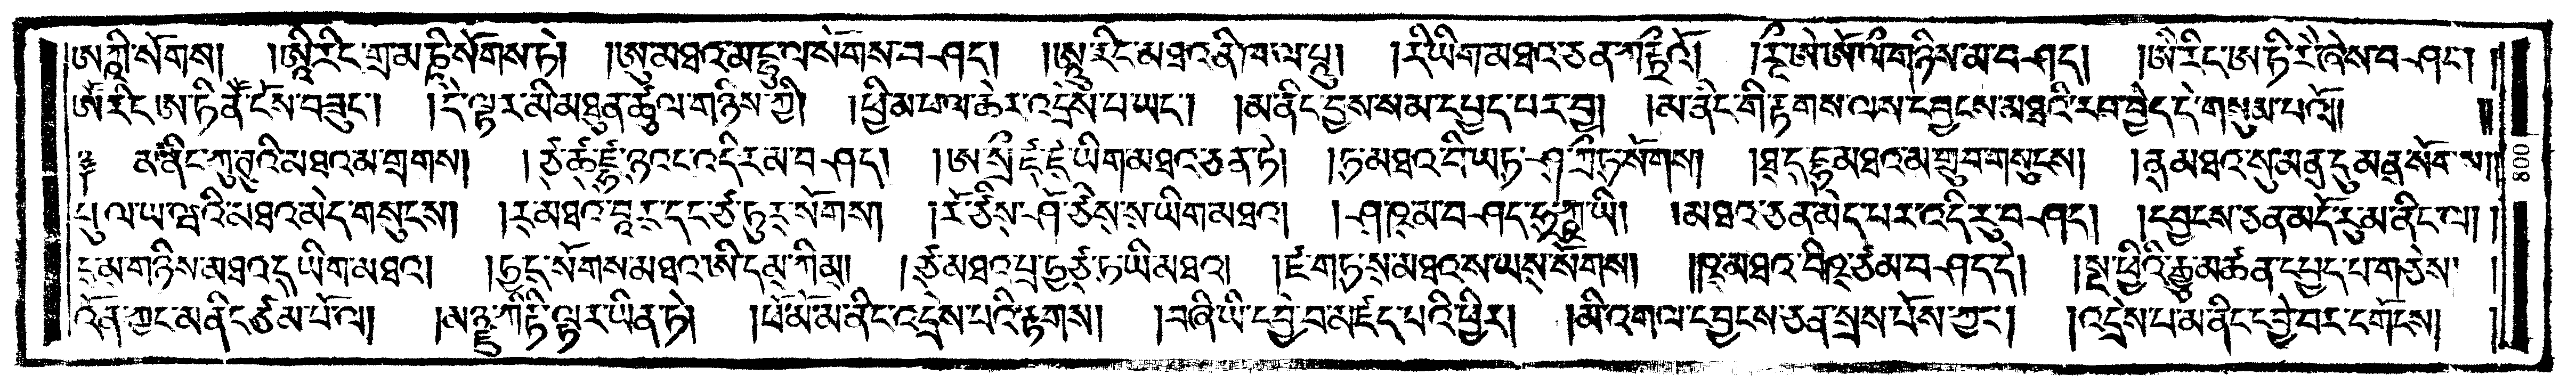ཨ་ཀཱི་སོགས། །ཨཱི་རིང་གྲ་མ་ཎི་སོགས་ཏེ། །ཨུ་མཐའ་མ་དྷུ་ལ་སོགས་བཤད། །ཨཱི་རིང་མཐའ་ནི་ཁ་ལ་པཱུ། །རི་ཡིག་མཐའ་ཅན་ཀྀ་རྟྲྀ་འོ། །རཱྀ་ཨེ་ཨོ་ལྀ་གཉིས་མ་བཤད། །ཨི་རིང་ཨ་ཏི་རི་ཞེས་བཤད། །
ཨི་རིང་ཨ་ནོ་ངོས་བཟུང་། །དེ་ལྟར་མཐུན་ཚུལ་གཉིས་ཀྱི། །ཕྱི་མ་ཕལ་ཆེར་འདྲེས་པ་ཡང་། །མ་ནིང་བྱས་སམ་དབྱད་པར་བྱ། །མ་ནིང་གི་རྟགས་ལས་དབྱངས་མཐའི་རབ་བྱེད་དེ་གསུམ་པའོ། །
༈ མ་ནིང་ཀུན་ཊུའི་མཐའ་གྲགས། །ཙ་ཚུ་ཉཱང་འདིར་མ་བཤད། །ཨ་སྲྀ་ཛ་ཛ་ཡིག་མཐའ་ཅན་ཏེ། །ཏ་མཐའ་བི་ཡཏ་ཤ་ཀྲྀཏ་སོགས། །ཐུད་དྷ་མཐ་མ་གྲུབ་གསུངས། །ནྲ་མཐའ་སུམ་ནྲ་དུ་མན་སོགས་
པུལ་ཡ་ཝའི་མཐའ་མེད་གསུངས། །རུ་མཐའ་བཱར་དང་ཙ་ཏུར་སོགས། །རོ་ཙིས་ས་ཡིག་མཐའ། །ཤ་ཥམ་བཤད་ཧ་ཀུ་ཡི། །མཐའ་ཅན་མེད་པར་འདི་རུ་བཤད། །དབྱང་ཅན་མདོ་རུ་མ་ནིང་ལ། །
དྲ་མ་གཉིས་མཐའ་དུ་ཡིས་མཐའ། །ཁྱད་སོགས་མཐའ་ཨི་དམ་ཀི་མུ། །ཙ་མཐའ་ཕྲ་ཏྱ་ཙ་ཏ་ཡི་མཐའ། །ཛ་གཏྲ་སུ་མཐའ་ཡས་སོགས། །ཥ་མཐའ་བི་?་ཙམ་བཤད་དེ། །སྔ་ཕྱིའི་རྒྱུ་མཚན་དབྱད་པ་གཅེས་
འོན་ཀྱང་མ་ནིང་ཙམ་པོ་ལ། །མ་ཉྫུ་ཀི་རྟི་ལྟར་ཡིན་ཏེ། །པོ་མོ་མ་ནིང་འདྲེས་པའི་རྟགས། །བཞི་ཡི་དབྱེ་བ་མཛད་པའི་ཕྱིར། །མི་འགལ་དབྱང་ཅན་སྲས་པོས་ཀྱང་། །འདྲེས་པ་མ་ནིང་དབྱེ་པར་དགོངས།